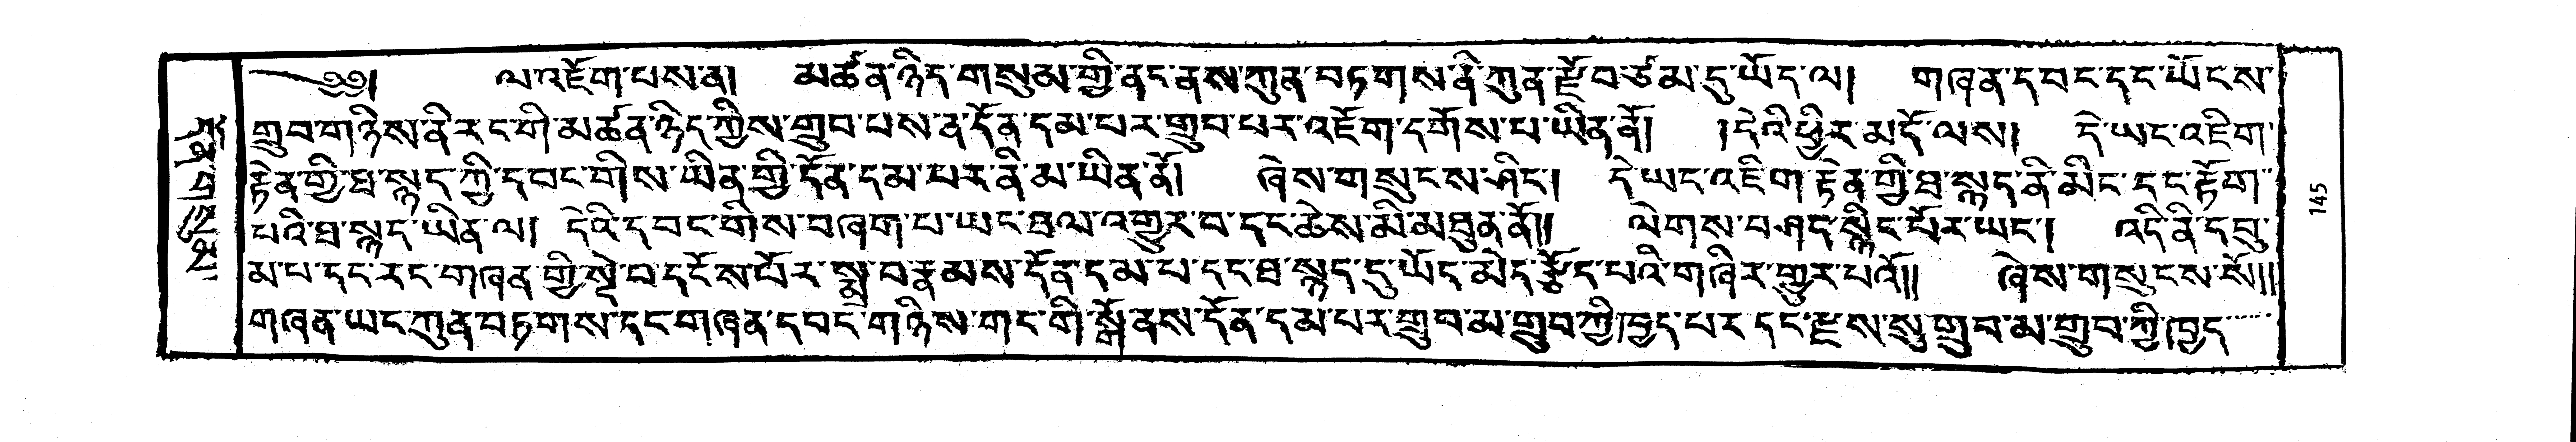༄༅། །ལ་འཇོག་པས་ན། མཚན་ཉིད་གསུམ་གྱི་ནང་ནས་ཀུན་བཏགས་ནི་ཀུན་རྫོབ་ཙམ་དུ་ཡོད་ལ། གཞན་དབང་དང་ཡོངས་
གྲུབ་གཉིས་ནི་རང་གི་མཚན་ཉིད་ཀྱིས་གྲུབ་པས་ན་དོན་དམ་པར་གྲུབ་པར་འཇོག་དགོས་པ་ཡིན་ནོ། །དེའི་ཕྱིར་མདོ་ལས། དེ་ཡང་འཇིག་
རྟེན་གྱི་ཐ་སྙད་ཀྱི་དབང་གིས་ཡིན་གྱི་དོན་དམ་པར་ནི་མ་ཡིན་ནོ། ཞེས་གསུངས་ཤིང་། དེ་ཡང་འཇིག་རྟེན་གྱི་ཐ་སྙད་ནི་མིང་དང་རྟོག་
པའི་ཐ་སྙད་ཡིན་ལ། དེའི་དབང་གིས་བཞག་པ་ཡང་ཐལ་འགྱུར་བ་དང་ཆེས་མི་མཐུན་ནོ། །ལེགས་བཤད་སྙིང་པོར་ཡང་། འདི་ནི་དབུ་
མ་པ་དང་རང་གཞན་གྱི་སྡེ་བ་དངོས་པོར་སྨྲ་བ་རྣམས་དོན་དམ་པ་དང་ཐ་སྙད་དུ་ཡོད་མེད་རྩོད་པའི་གཞིར་གྱུར་པའོ། །ཞེས་གསུངས་སོ། །
གཞན་ཡང་ཀུན་བཏགས་དང་གཞན་དབང་གཉིས་གང་གི་སྒོ་ནས་དོན་དམ་པར་གྲུབ་མ་གྲུབ་ཀྱི་ཁྱད་པར་དང་རྫས་སུ་གྲུབ་མ་གྲུབ་ཀྱི་ཁྱད་